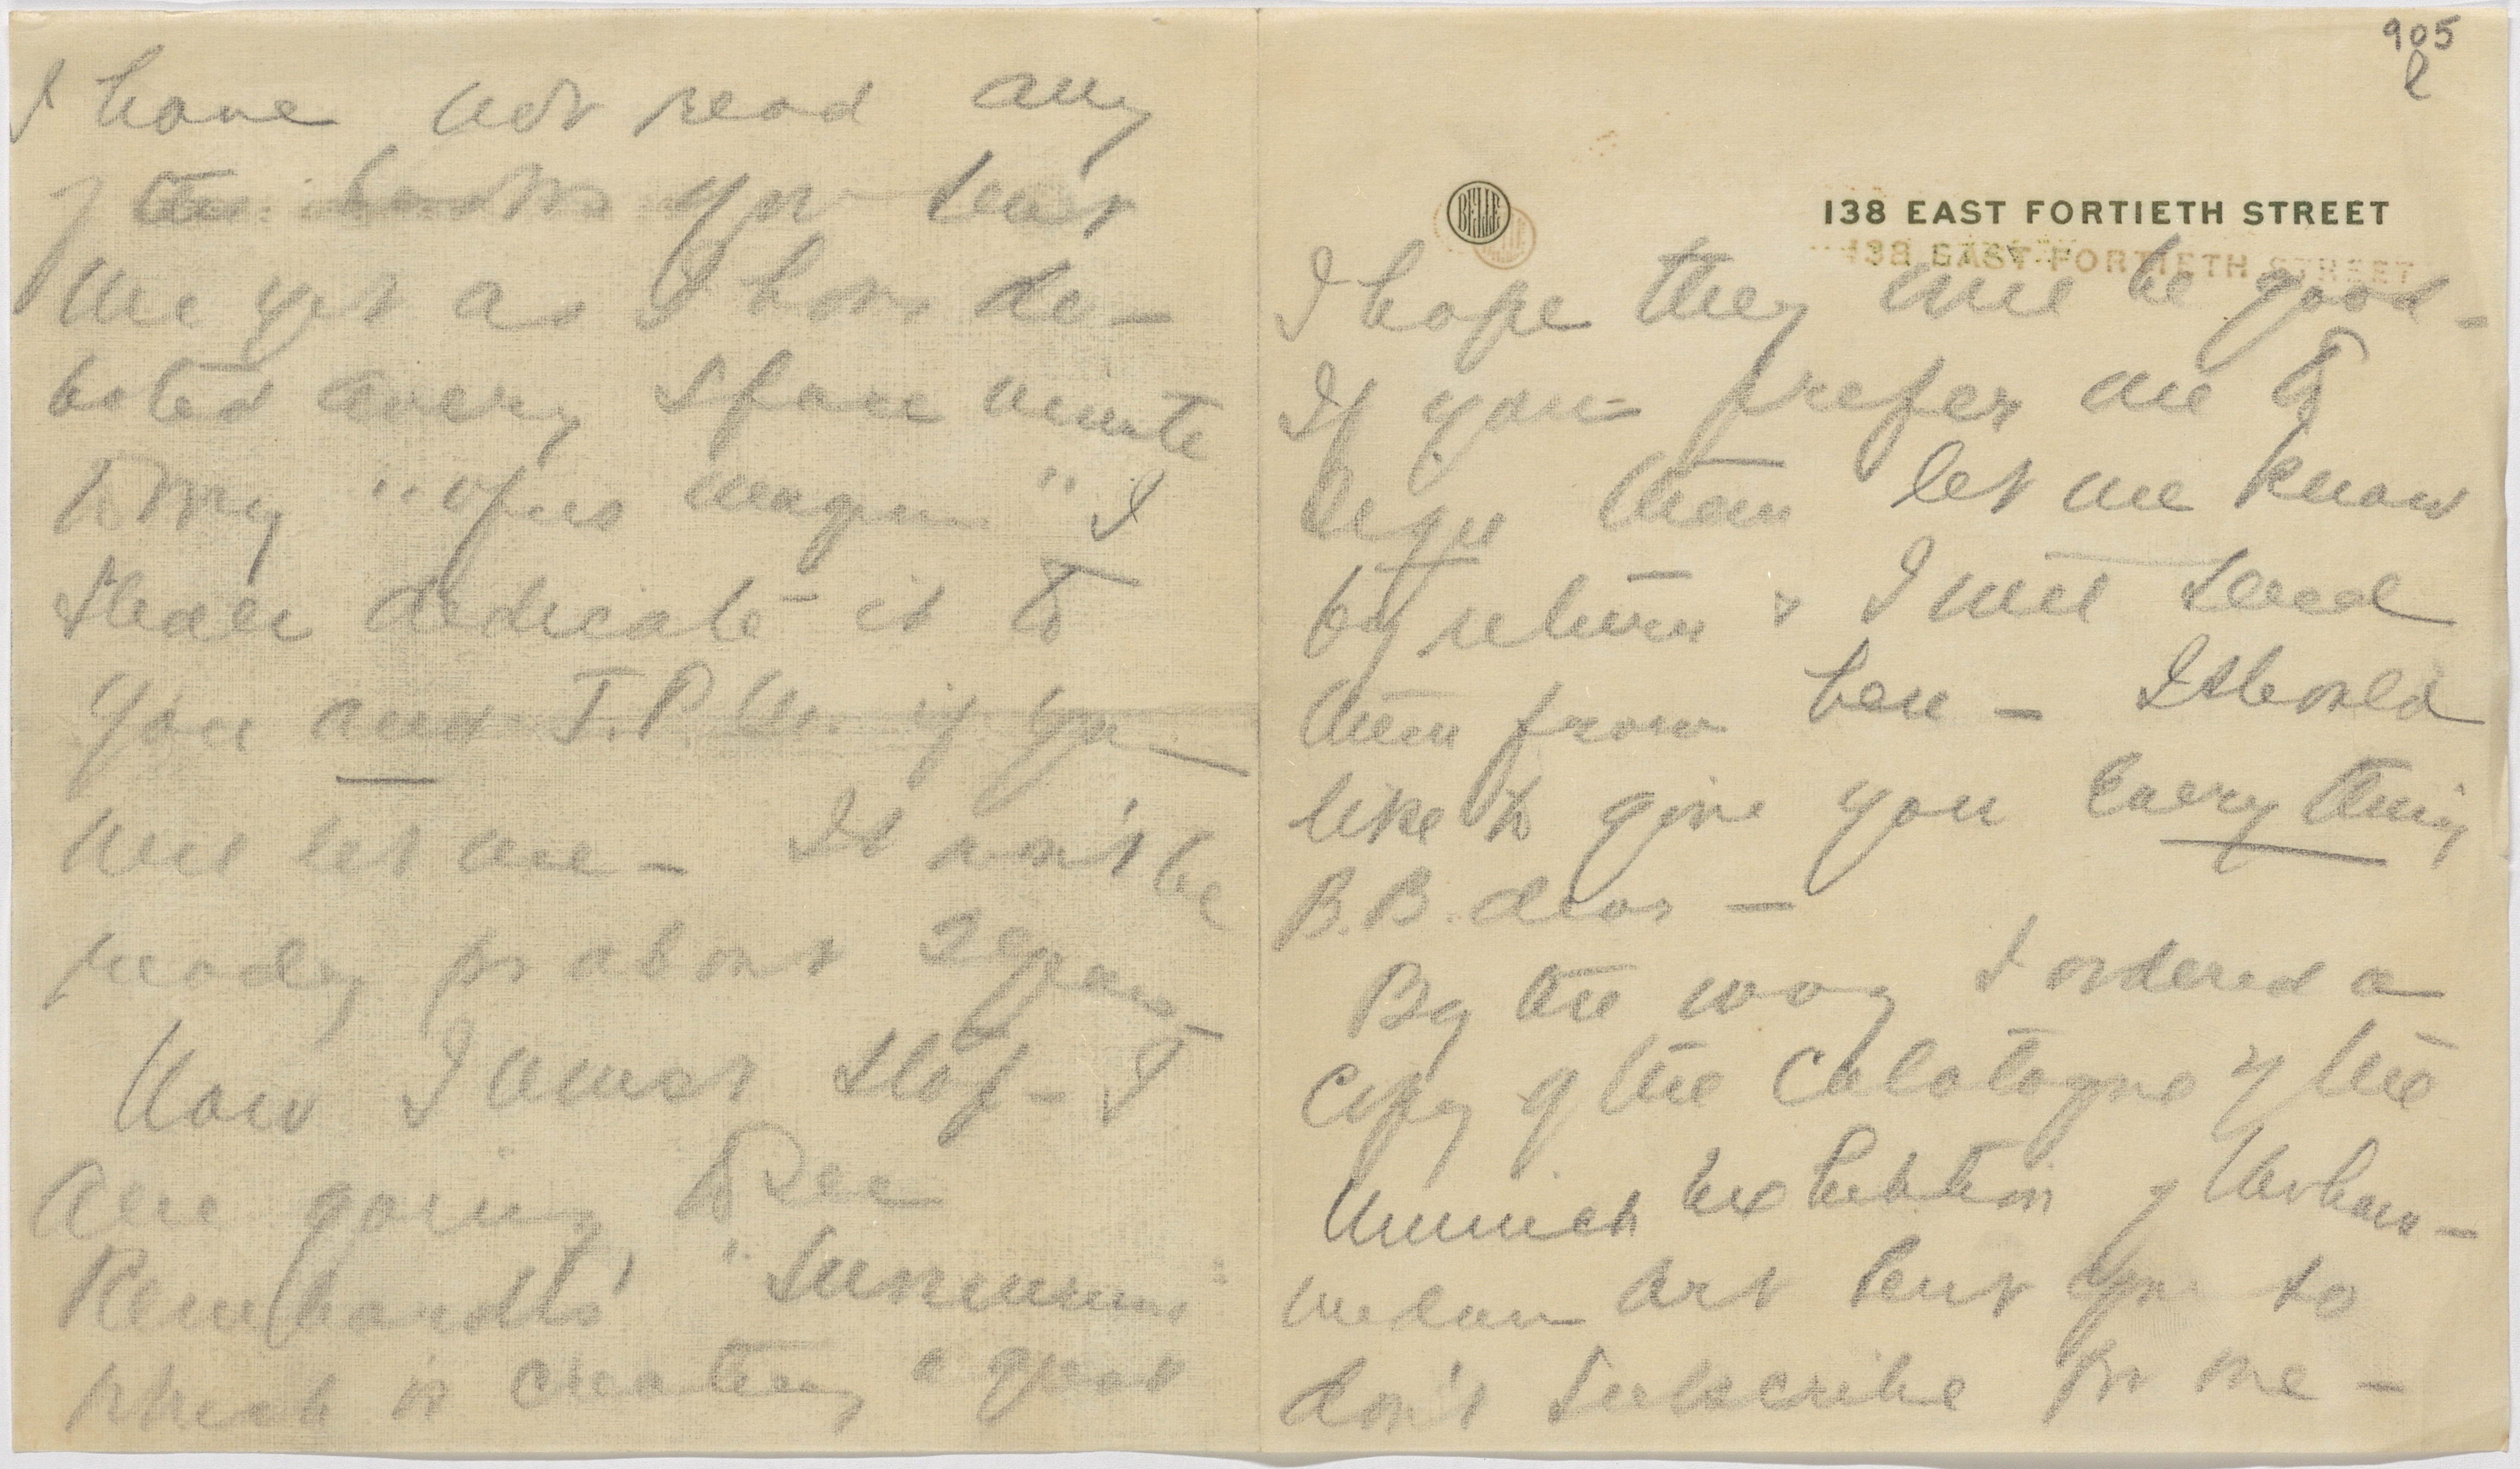I hope they will be good – If you prefer me to sign them let me know by return & I will send them from here – I should like to give you everything B.B. dear –
By the way I ordered a copy of the catalogue of the Munich exhibition of Muhammadan Art sent you so don’t subscribe for me –
I have not read any of the books you sent me yet as I have devoted every spare minute to my “opus Morgan” I shall dedicate it to you and J.P.M. if you will let me – It won’t be ready for about 2 years –
Now I must stop – I am going to see Reinhardt’s “Sumurun” which is creating a great